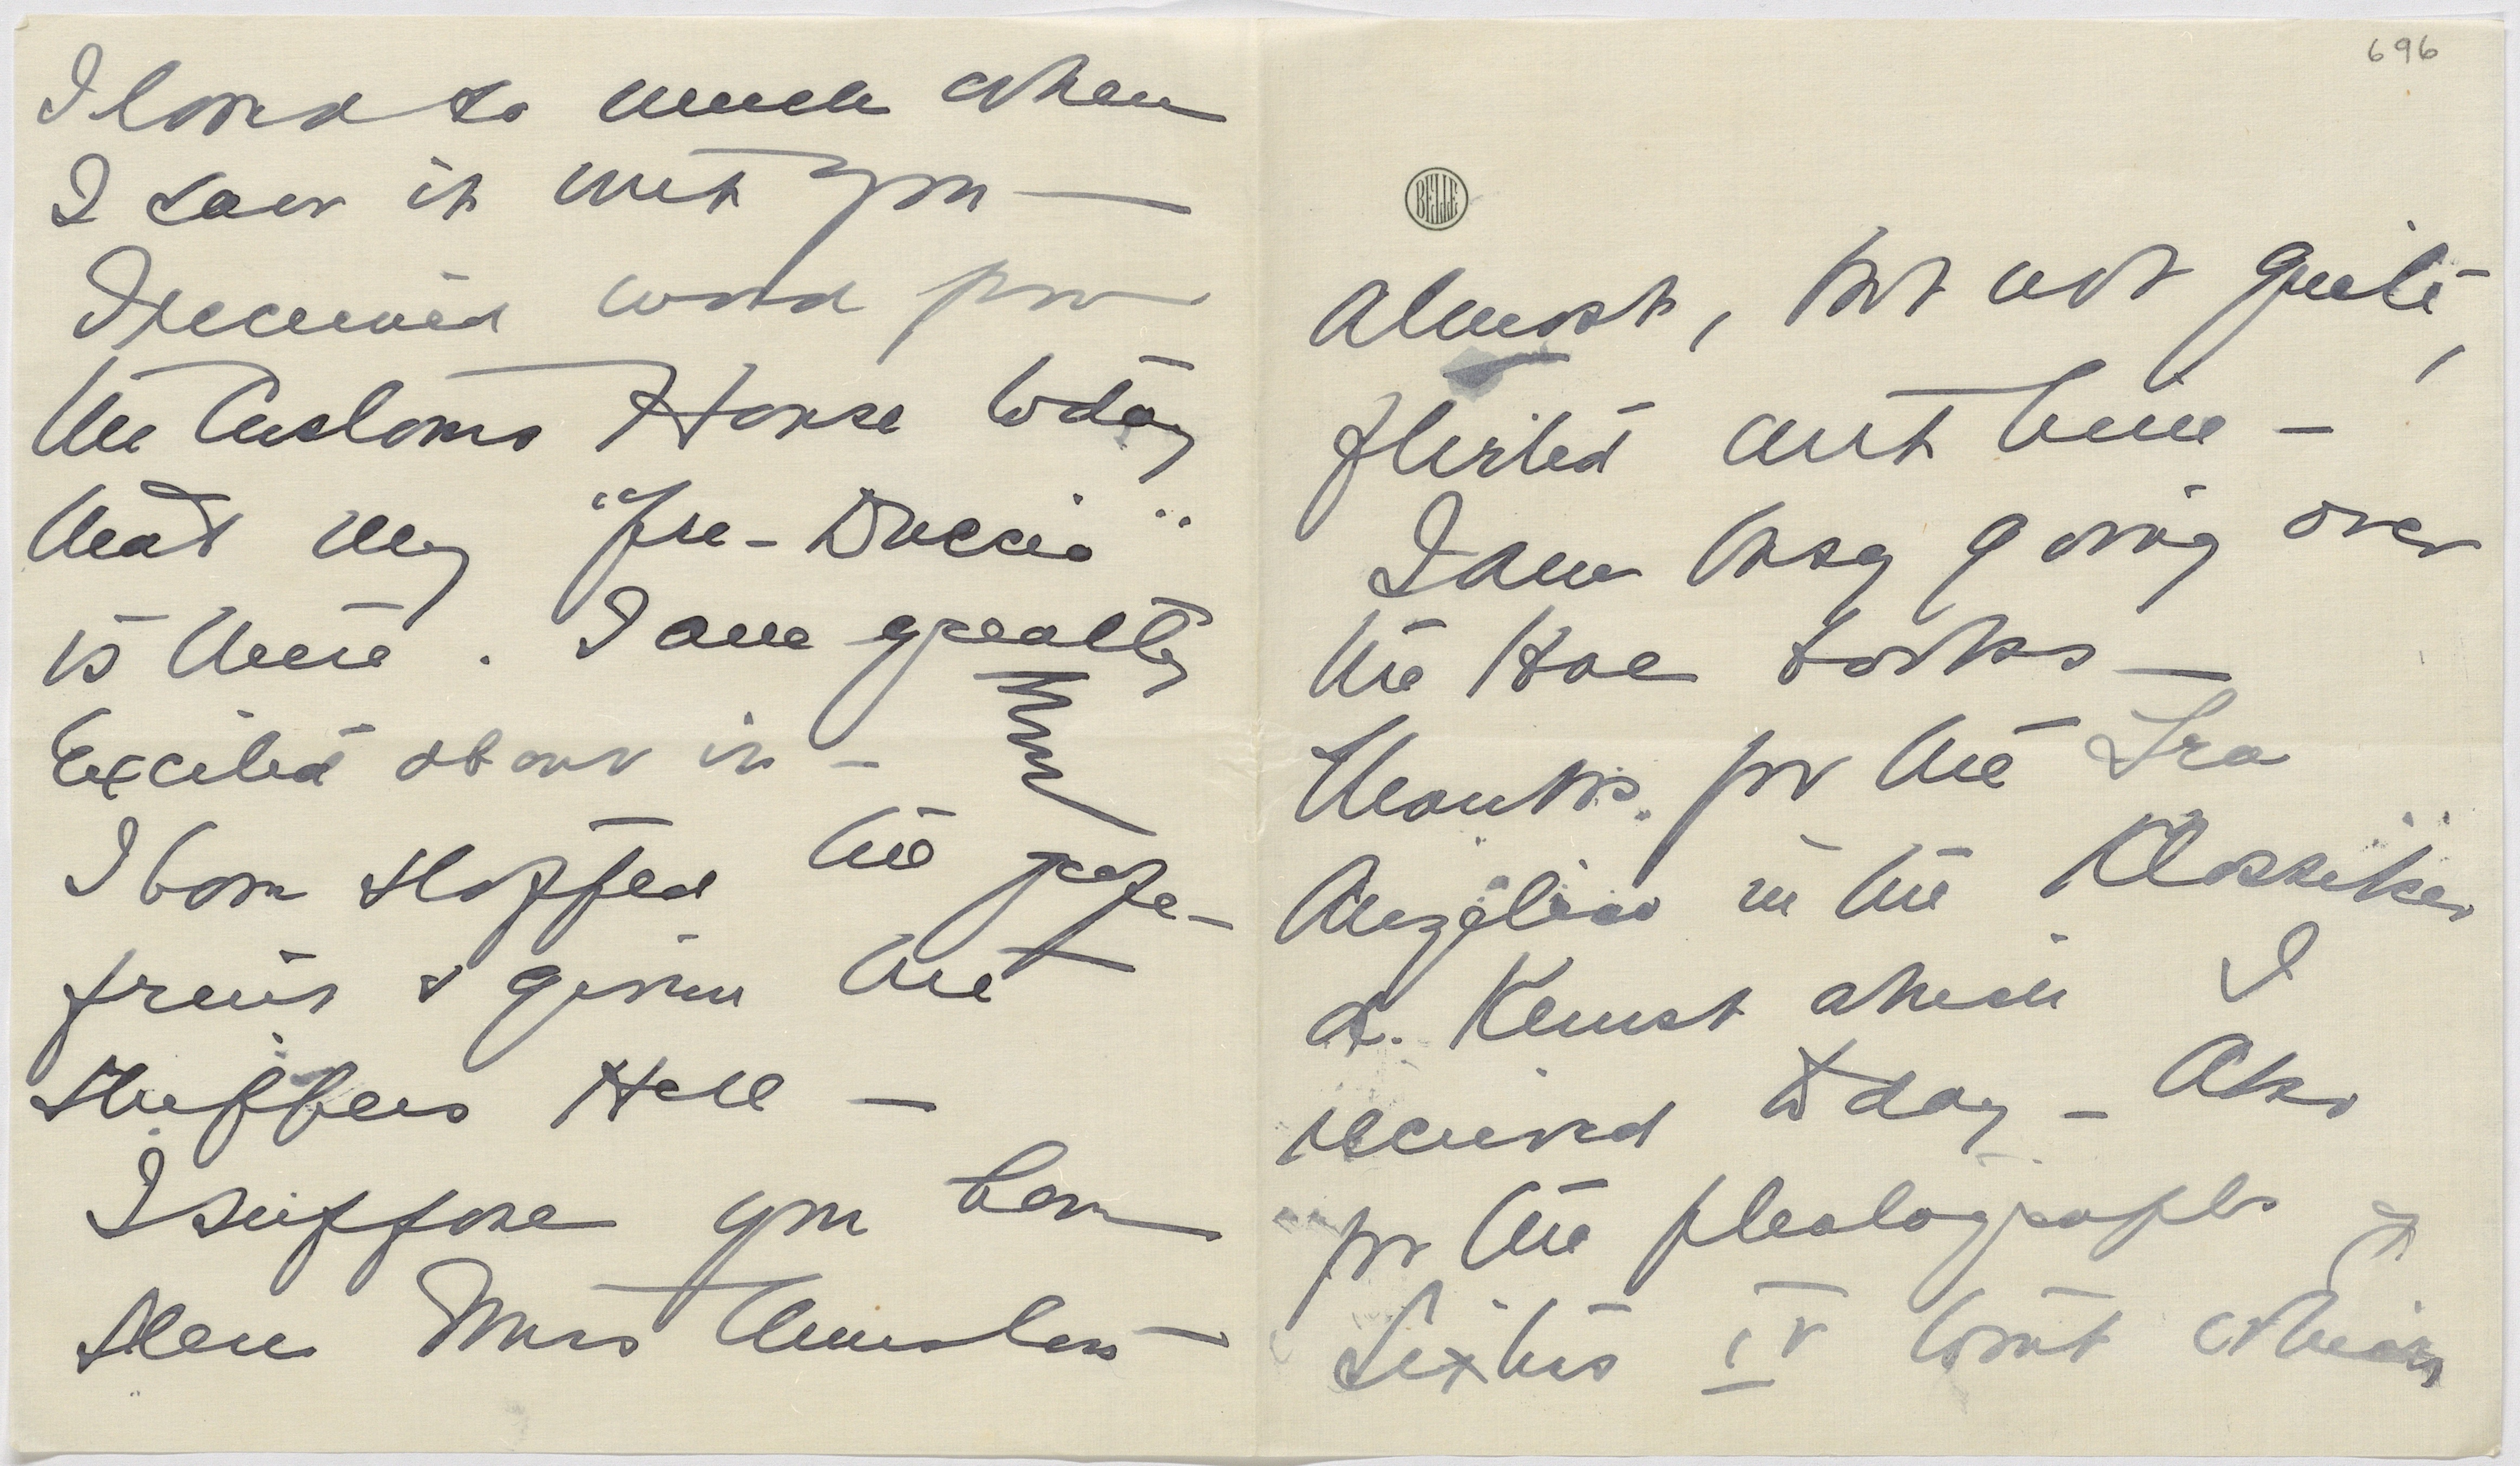almost, but not quite, flirted with him –
I am busy going over the Hoe books –
Thanks for the Fra Angelico in the Klassiker d. Kunst which I received today – Also for the photographs of Sixtus IV tomb which
I loved so much when I saw it with you –
I received word from the Customs House today that my “pre-Duccio” is there. I am [undecuple underlined: greatly] excited about it –
I have stopped the grape-fruit & given the shippers Hell –
I suppose you have seen Miss Thurston